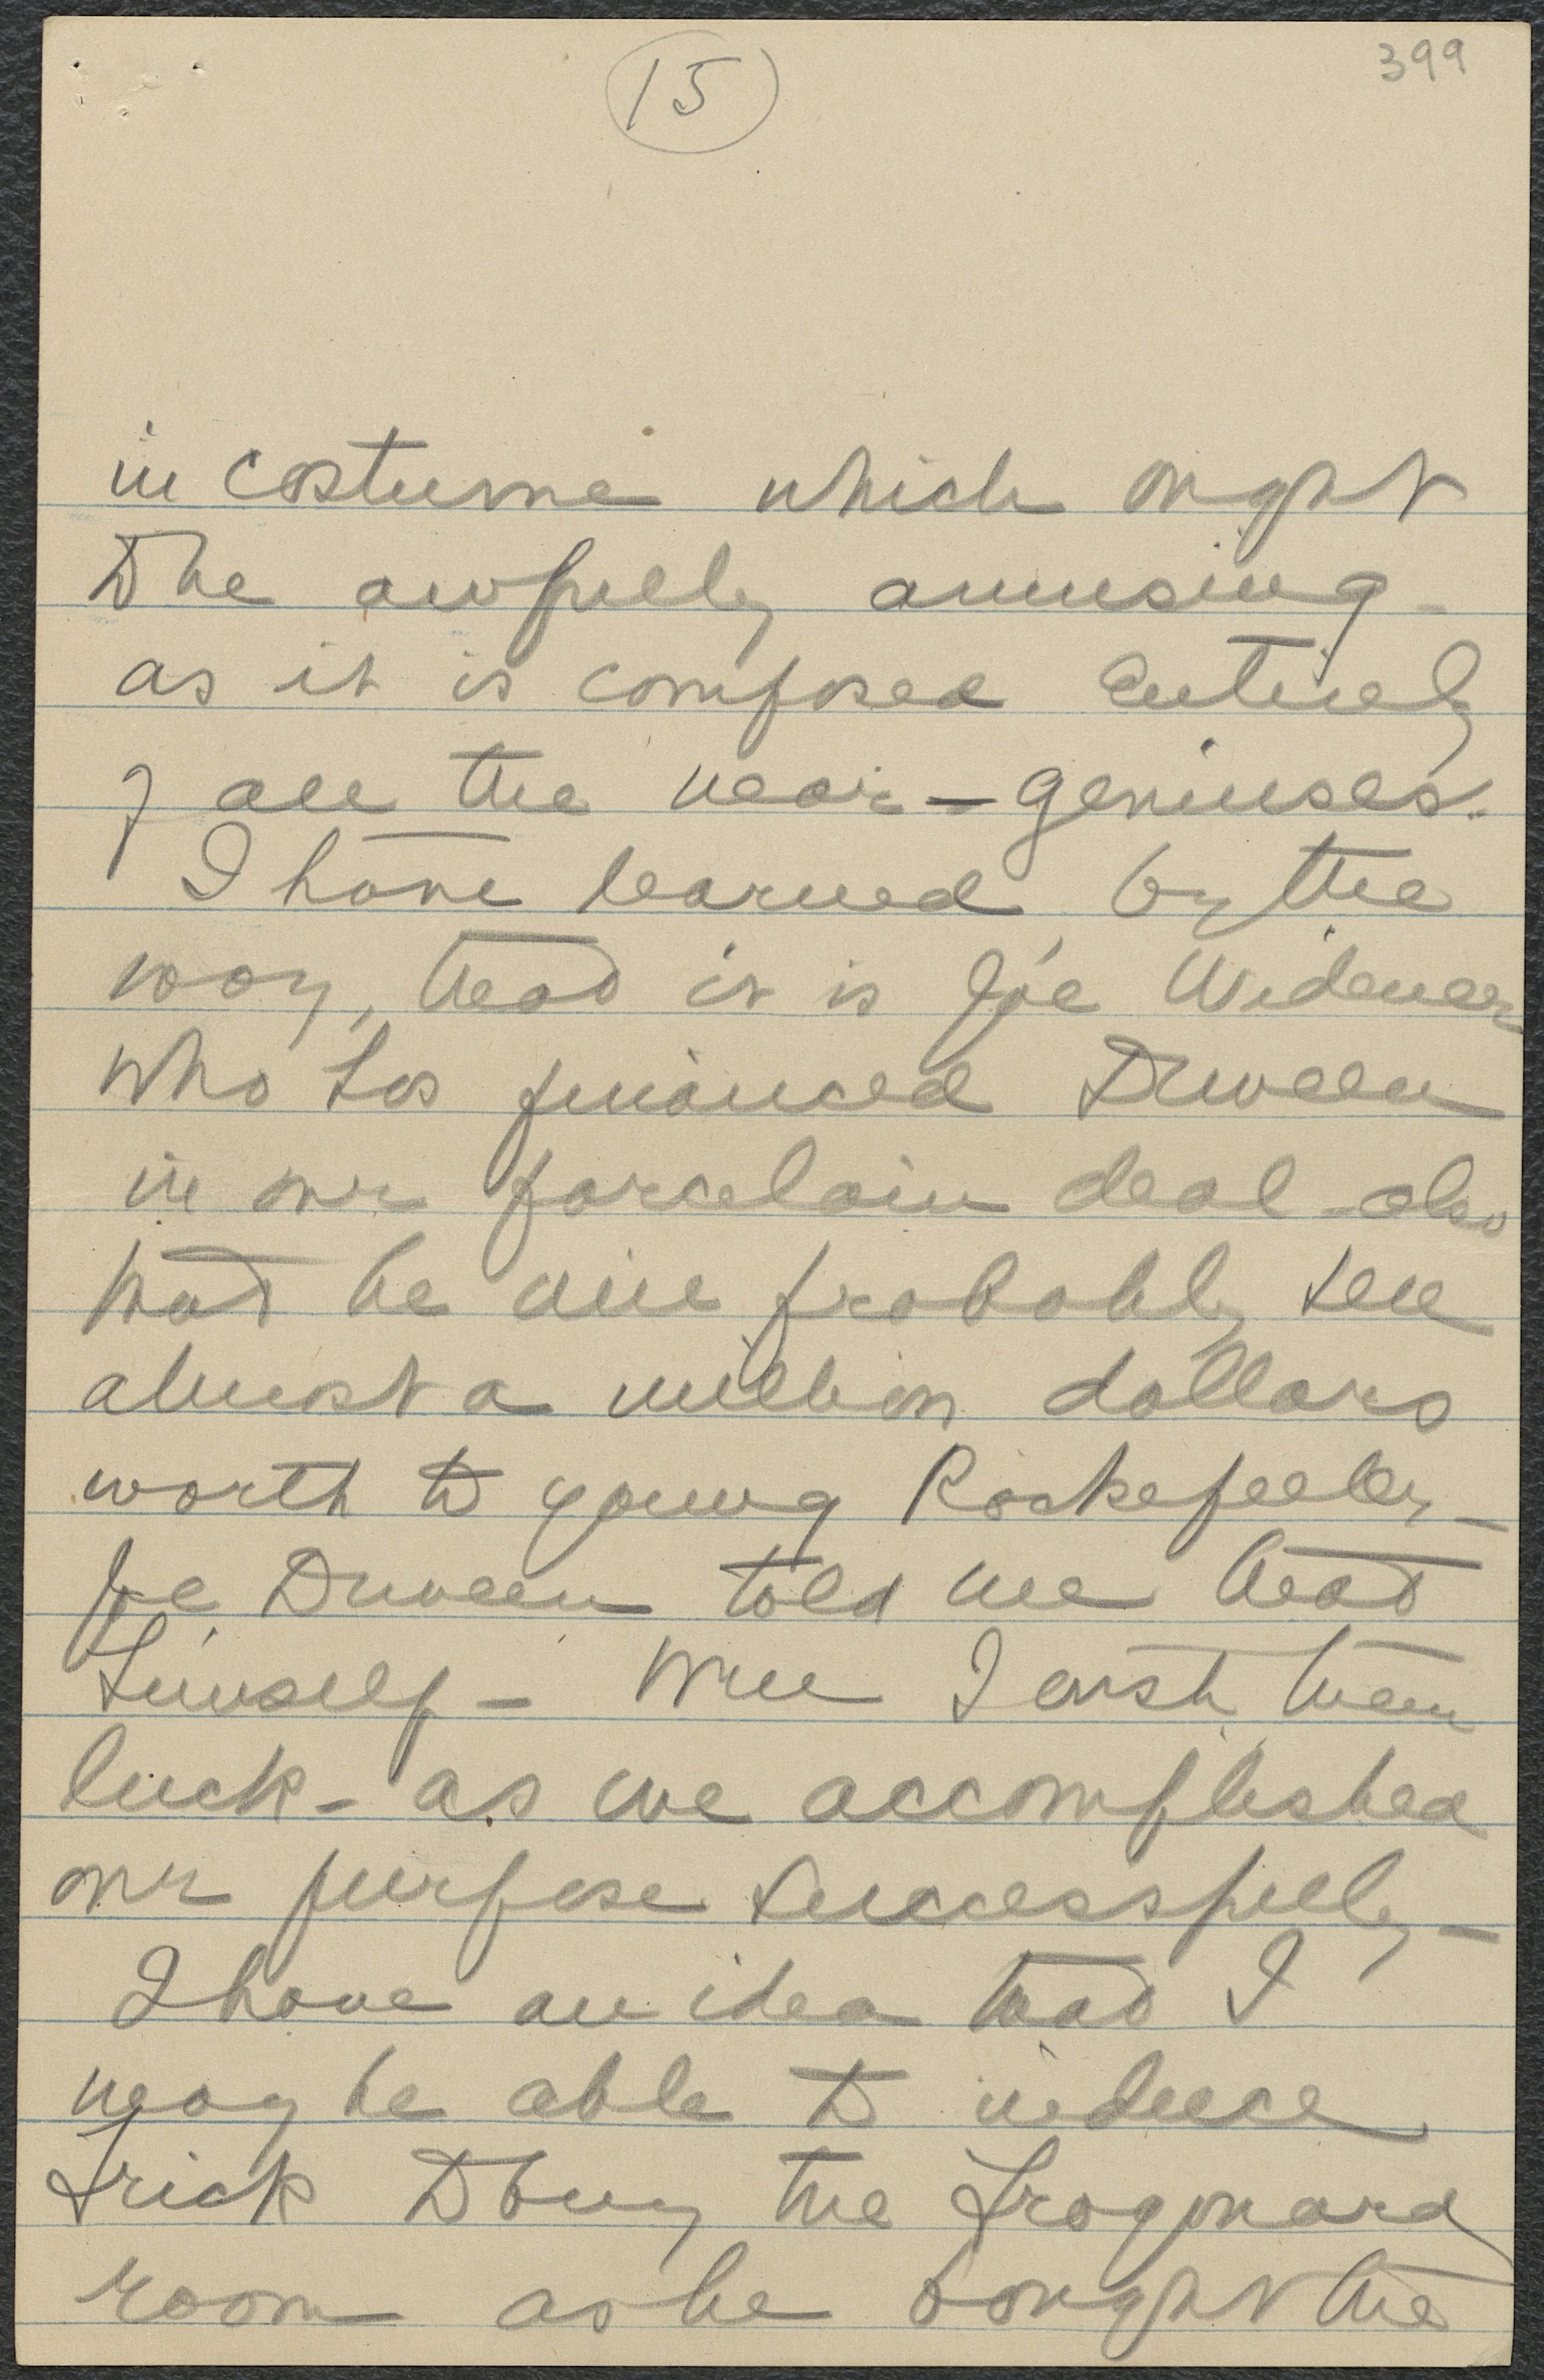in costume which ought to be awfully amusing as it is composed entirely of all the near-geniuses. I have learned, by the way, that it is Joe Widener who has financed Duveen in our porcelain deal – also that he will probably sell almost a million dollars worth to young Rockefeller – Joe Duveen told me that himself – well I wish them luck – as we accomplished our purpose successfully – I have an idea that I may be able to induce Frick to buy the Fragonard room as he bought the